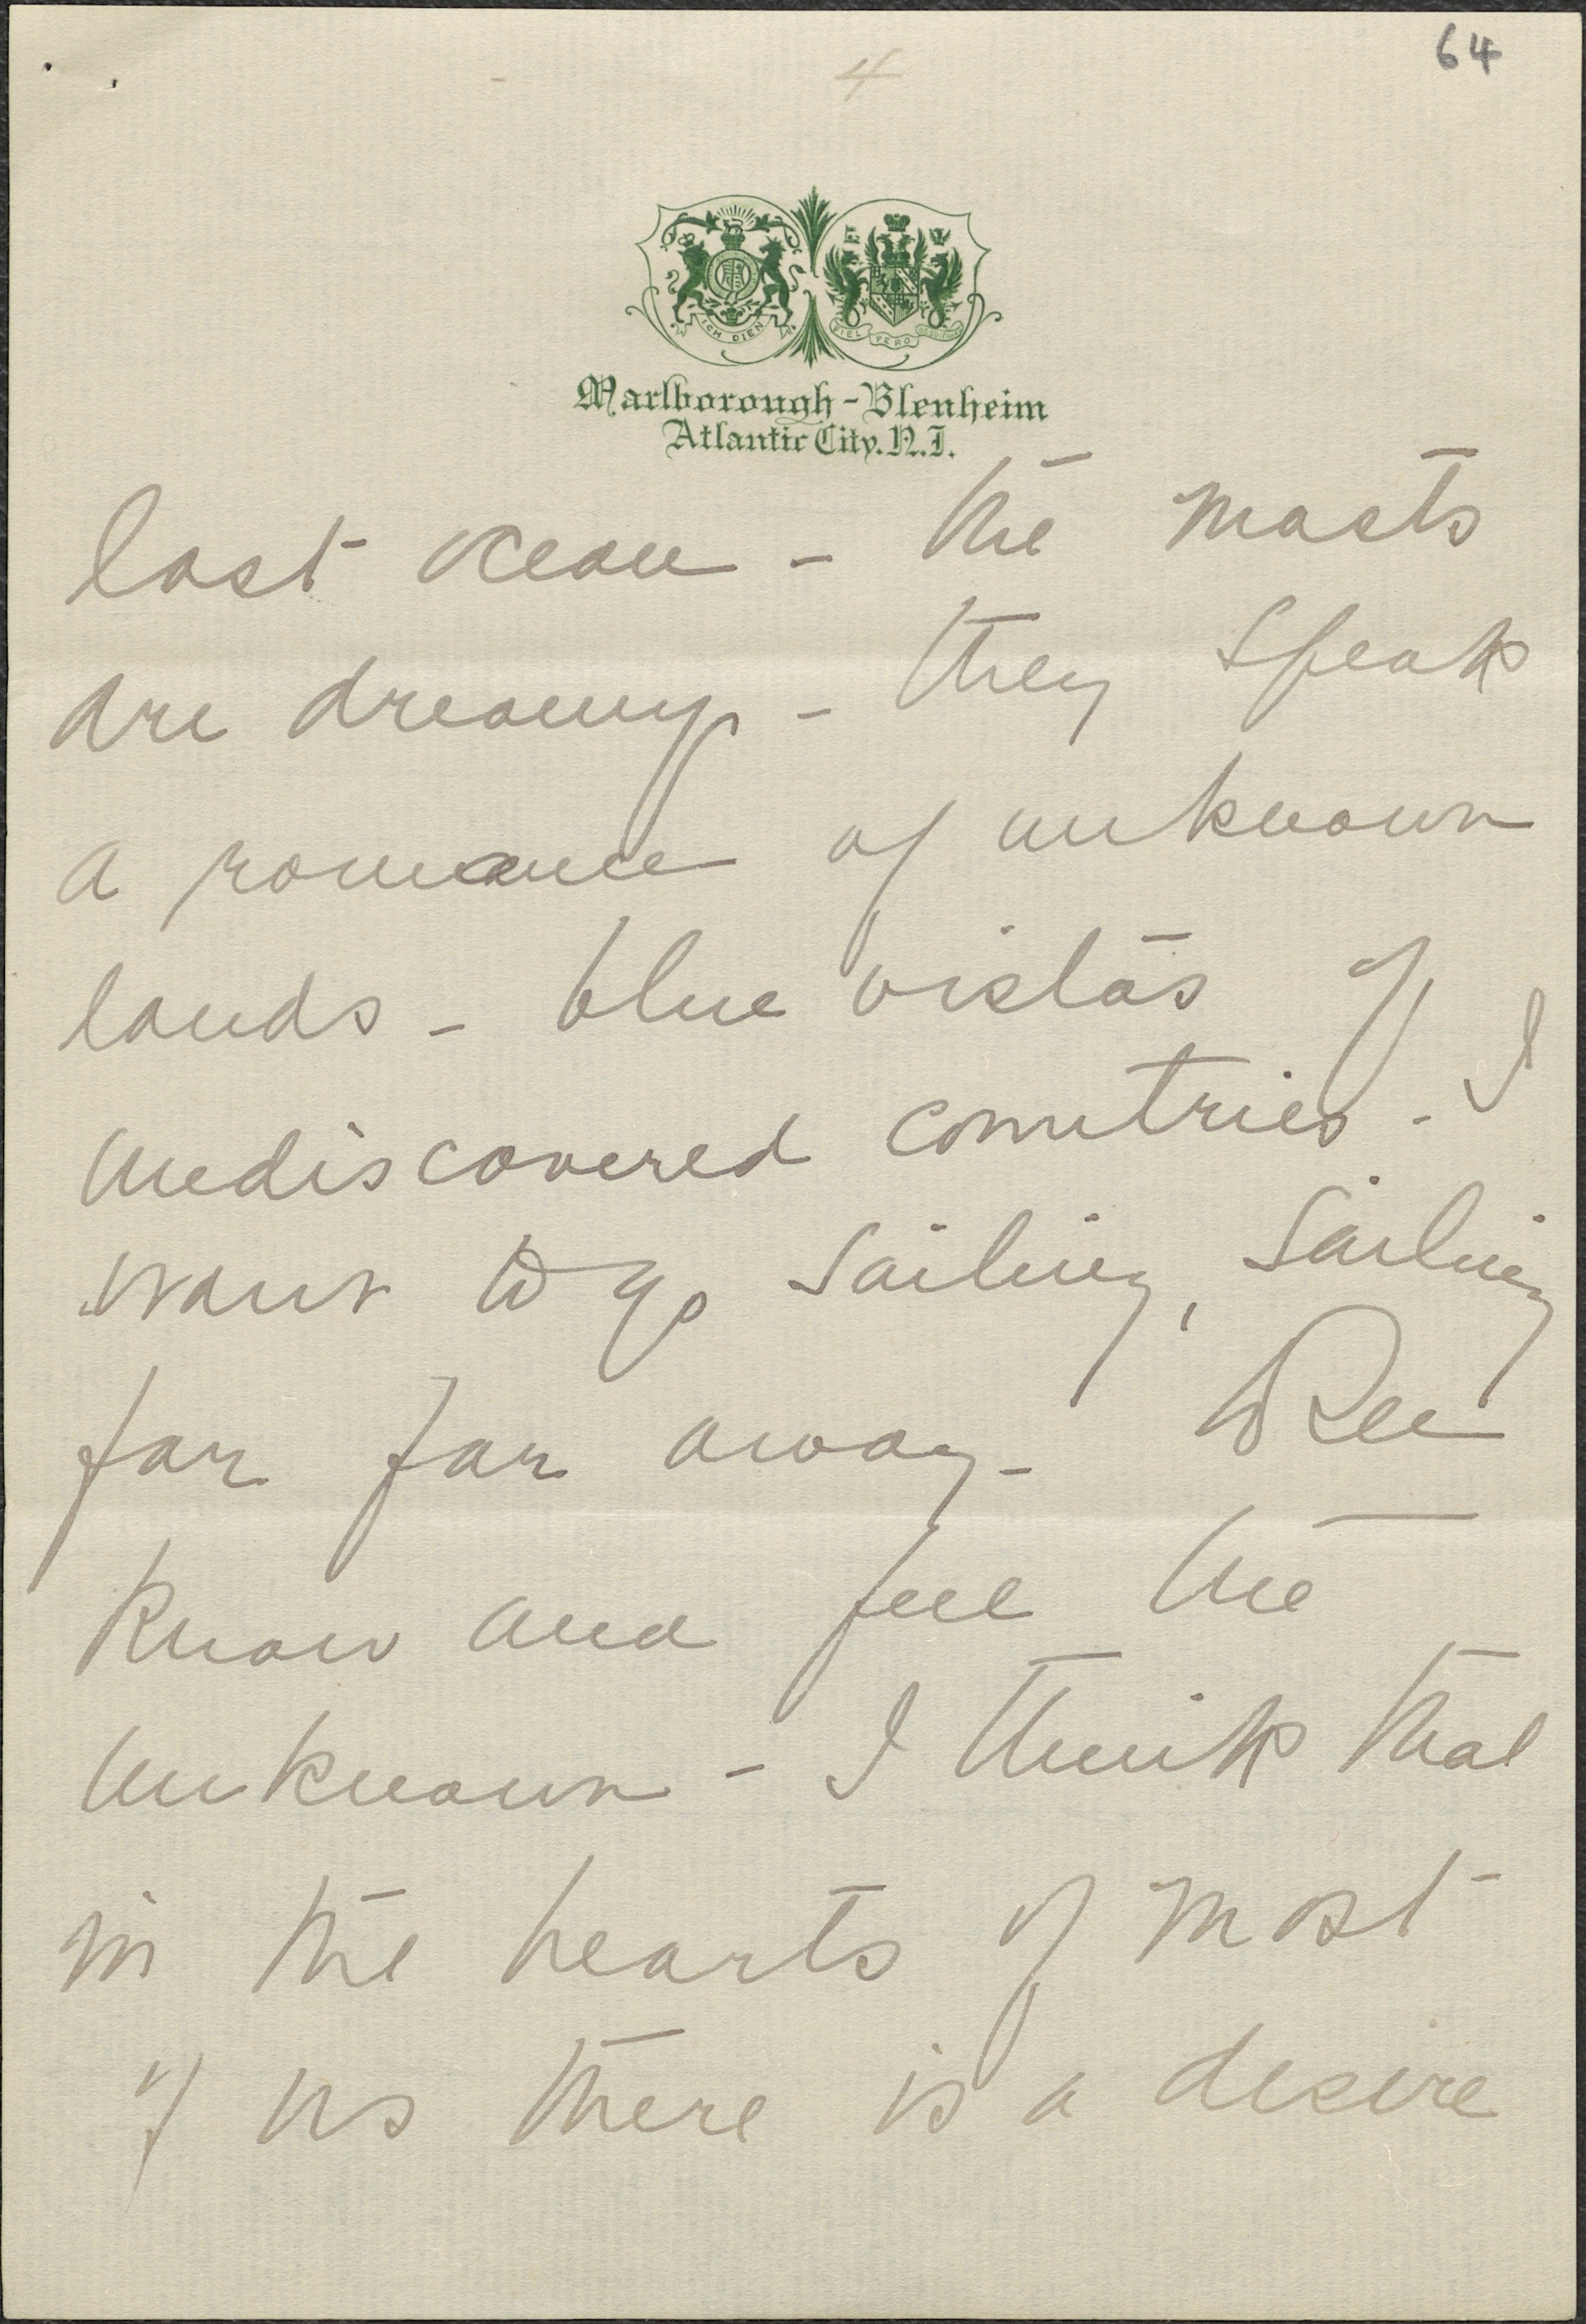4
last ocean – the masts are dreamy – they speak a romance of unknown lands – blue vistas of undiscovered countries – I want to go sailing, sailing far far away – to see know and feel the unknown – I think that in the hearts of most of us there is a desire